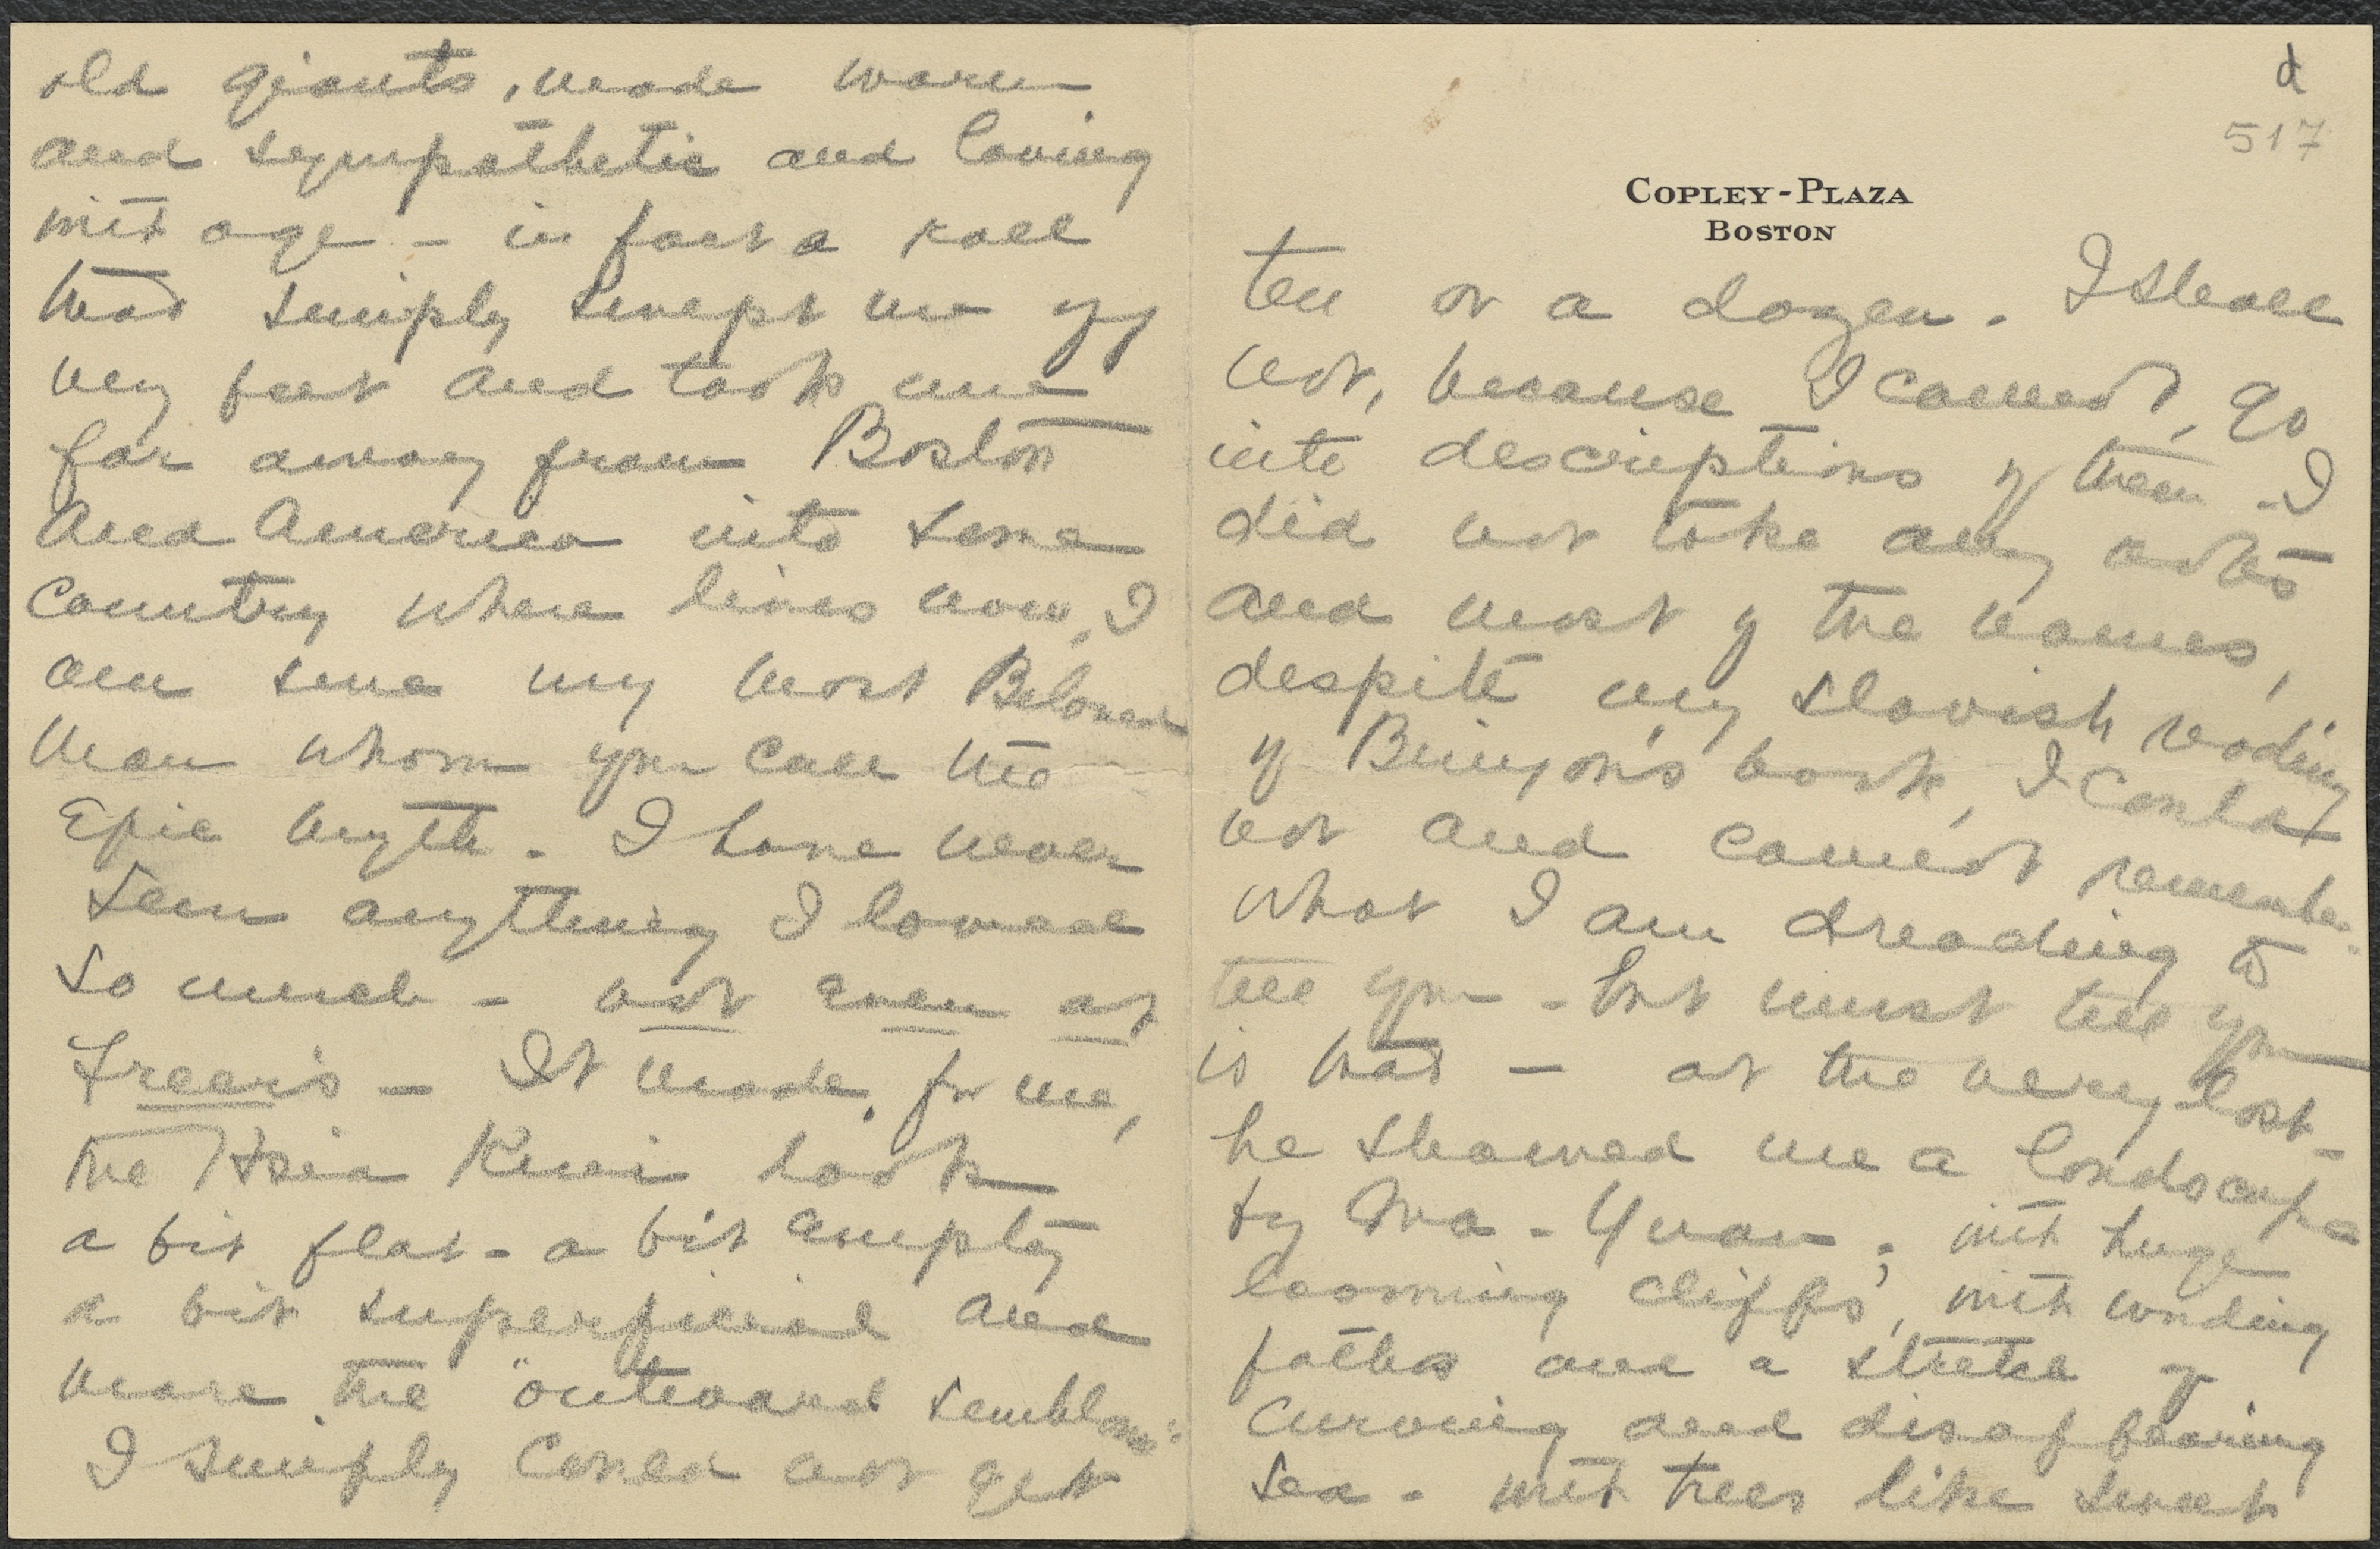ten or a dozen – I shall not, because I cannot, go into descriptions of them – I did not take any notes and most of the names, despite my slavish reading of Binyon’s book, I could not and cannot remember. What I am dreading to tell you – but must tell you – is that – at the very last – he showed me a landscape by Ma-Yuan – with huge looming cliffs, with winding paths and a stretch of curving and disappearing sea – with trees like sweet
old giants, made warm and sympathetic and loving with age – in fact a role that simply swept me off my feet and took me far away from Boston and America into some country where lives now, I am sure my most Beloved Man whom you call the epic myth – I have never seen anything I loved so much – not even at Freer’s – It made, for me, the Hsia-Kuei look a bit flat – a bit empty a bit superficial and more the “outward semblance” I simply could not get